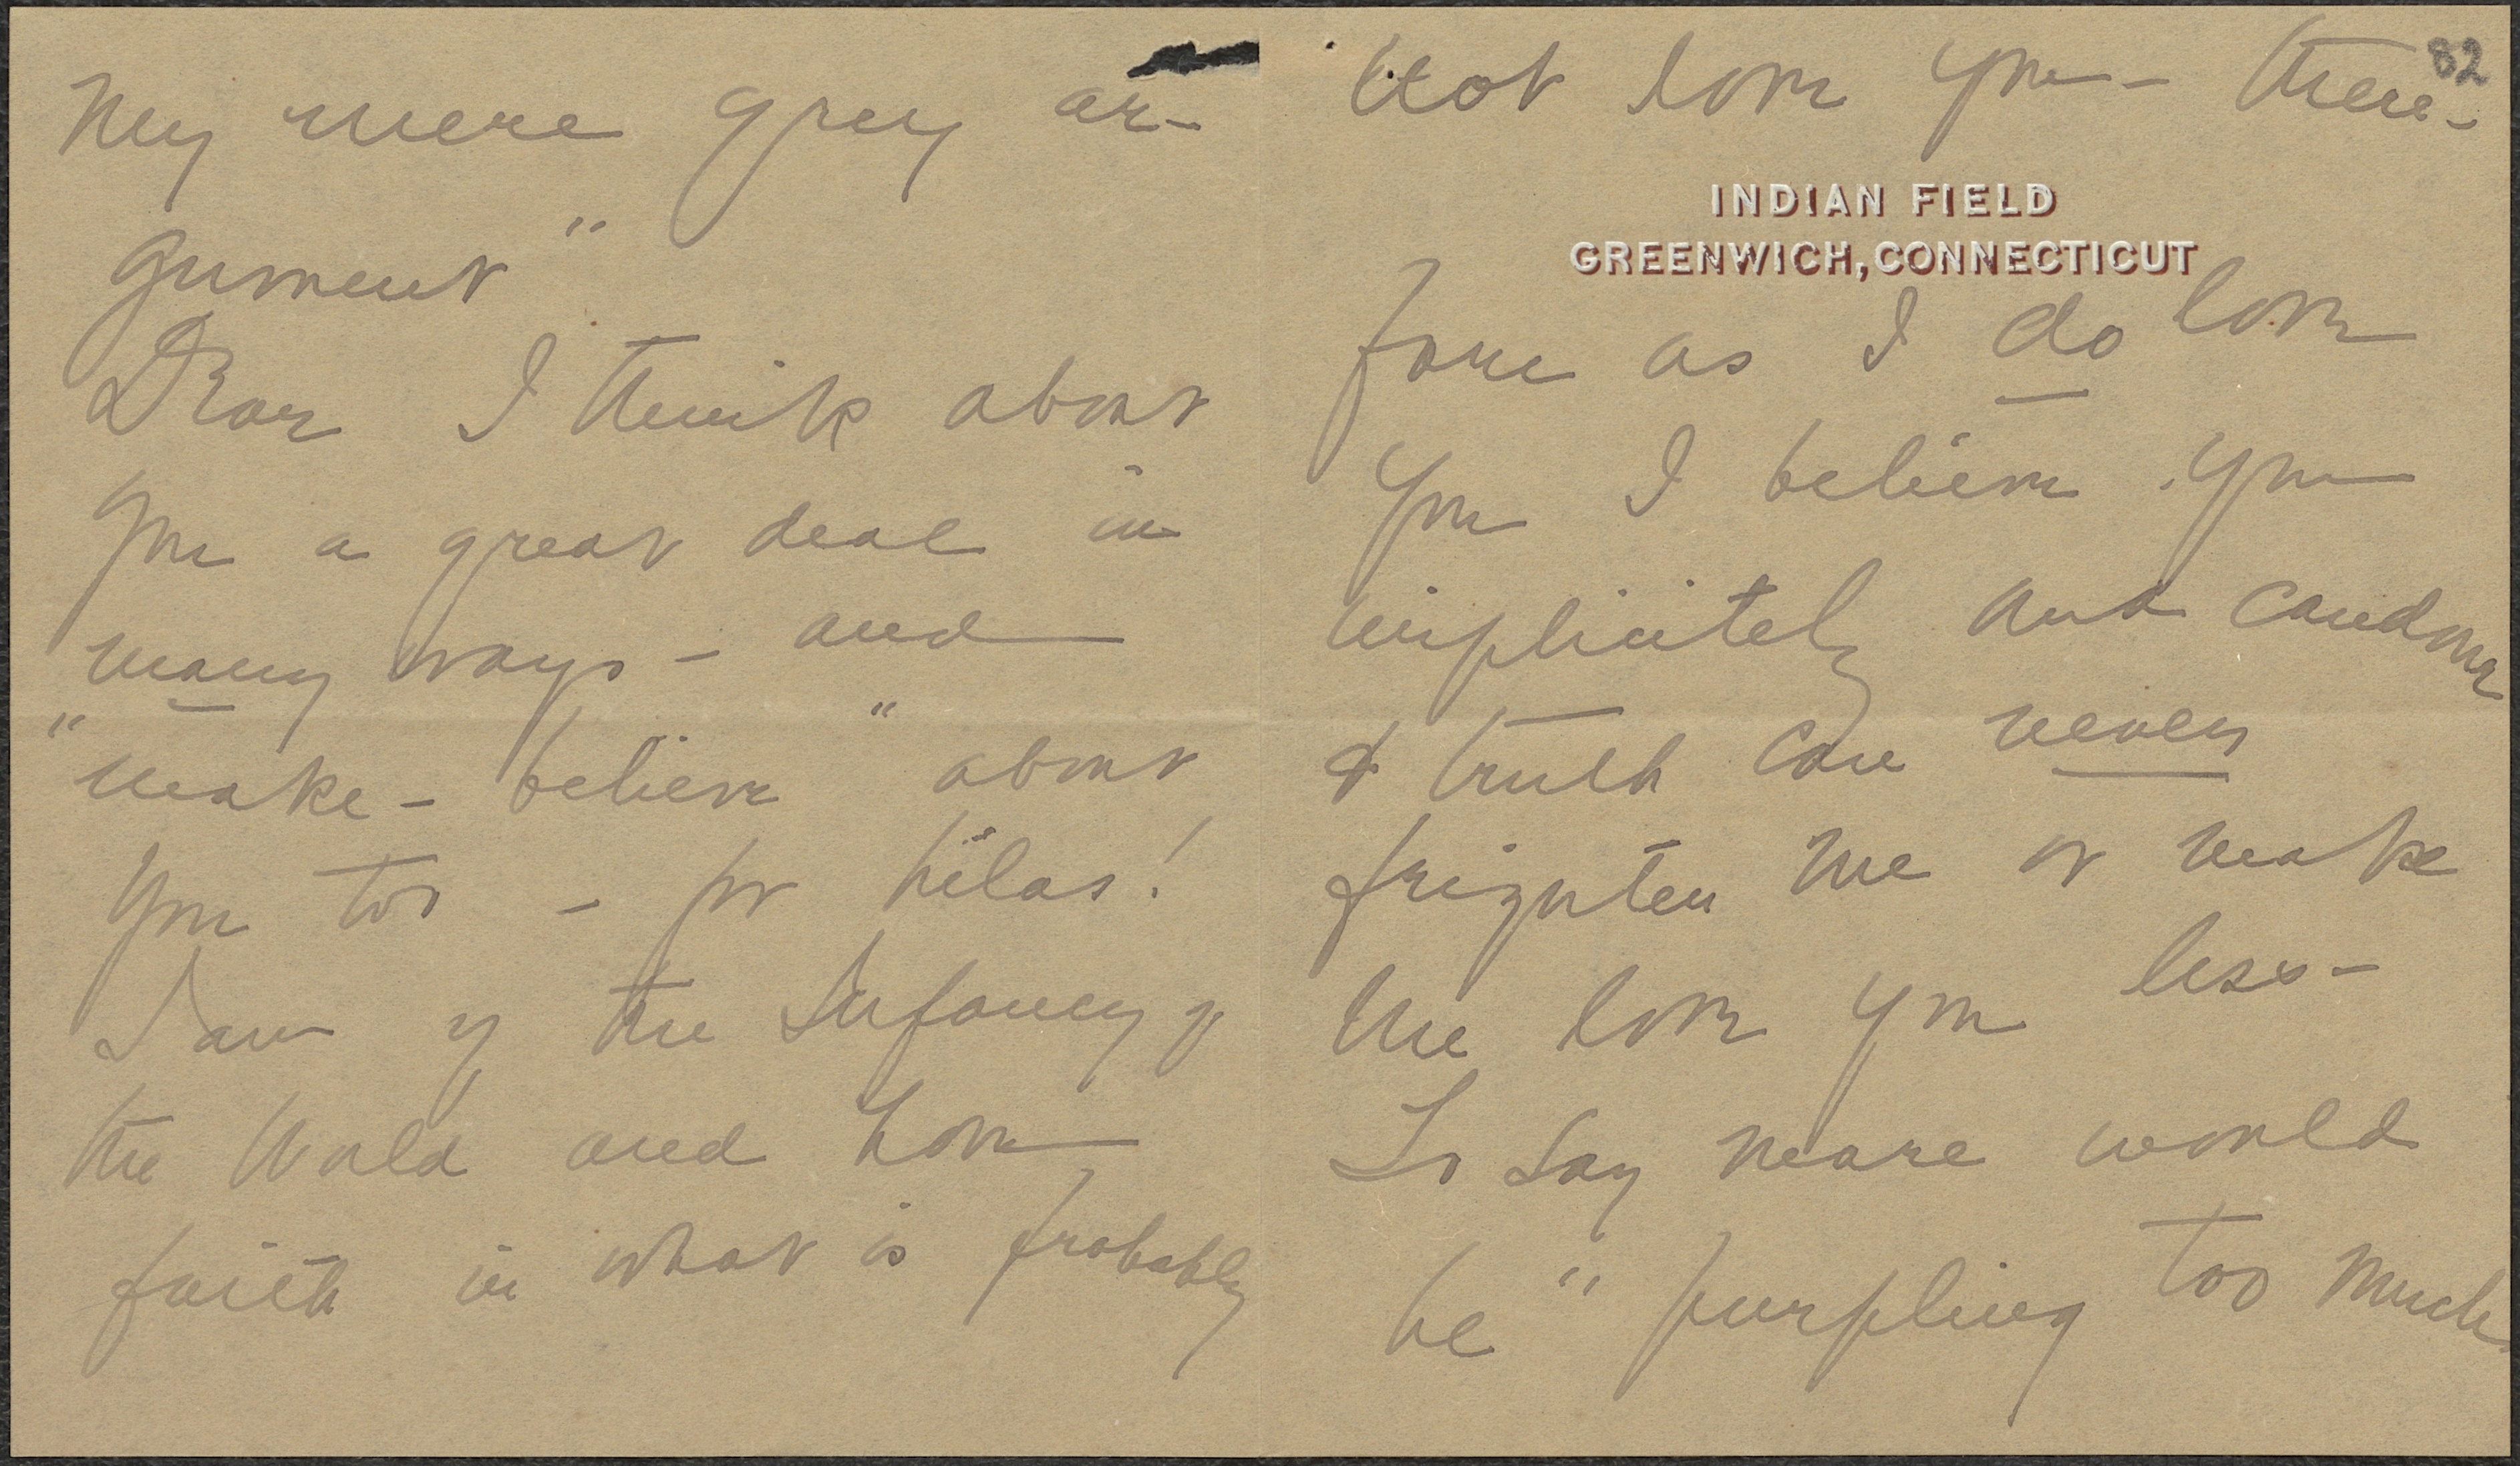not love you – therefore as I do love you I believe you implicitely [sic] and candour & truth can never frighten me or make me love you less – To say more would be “purpling too much
my mere grey argument”.
Dear I think about you a great deal in many ways – and “make-believe” about you too – for hélas! I am of the Infancy of the world and have faith in what is probably